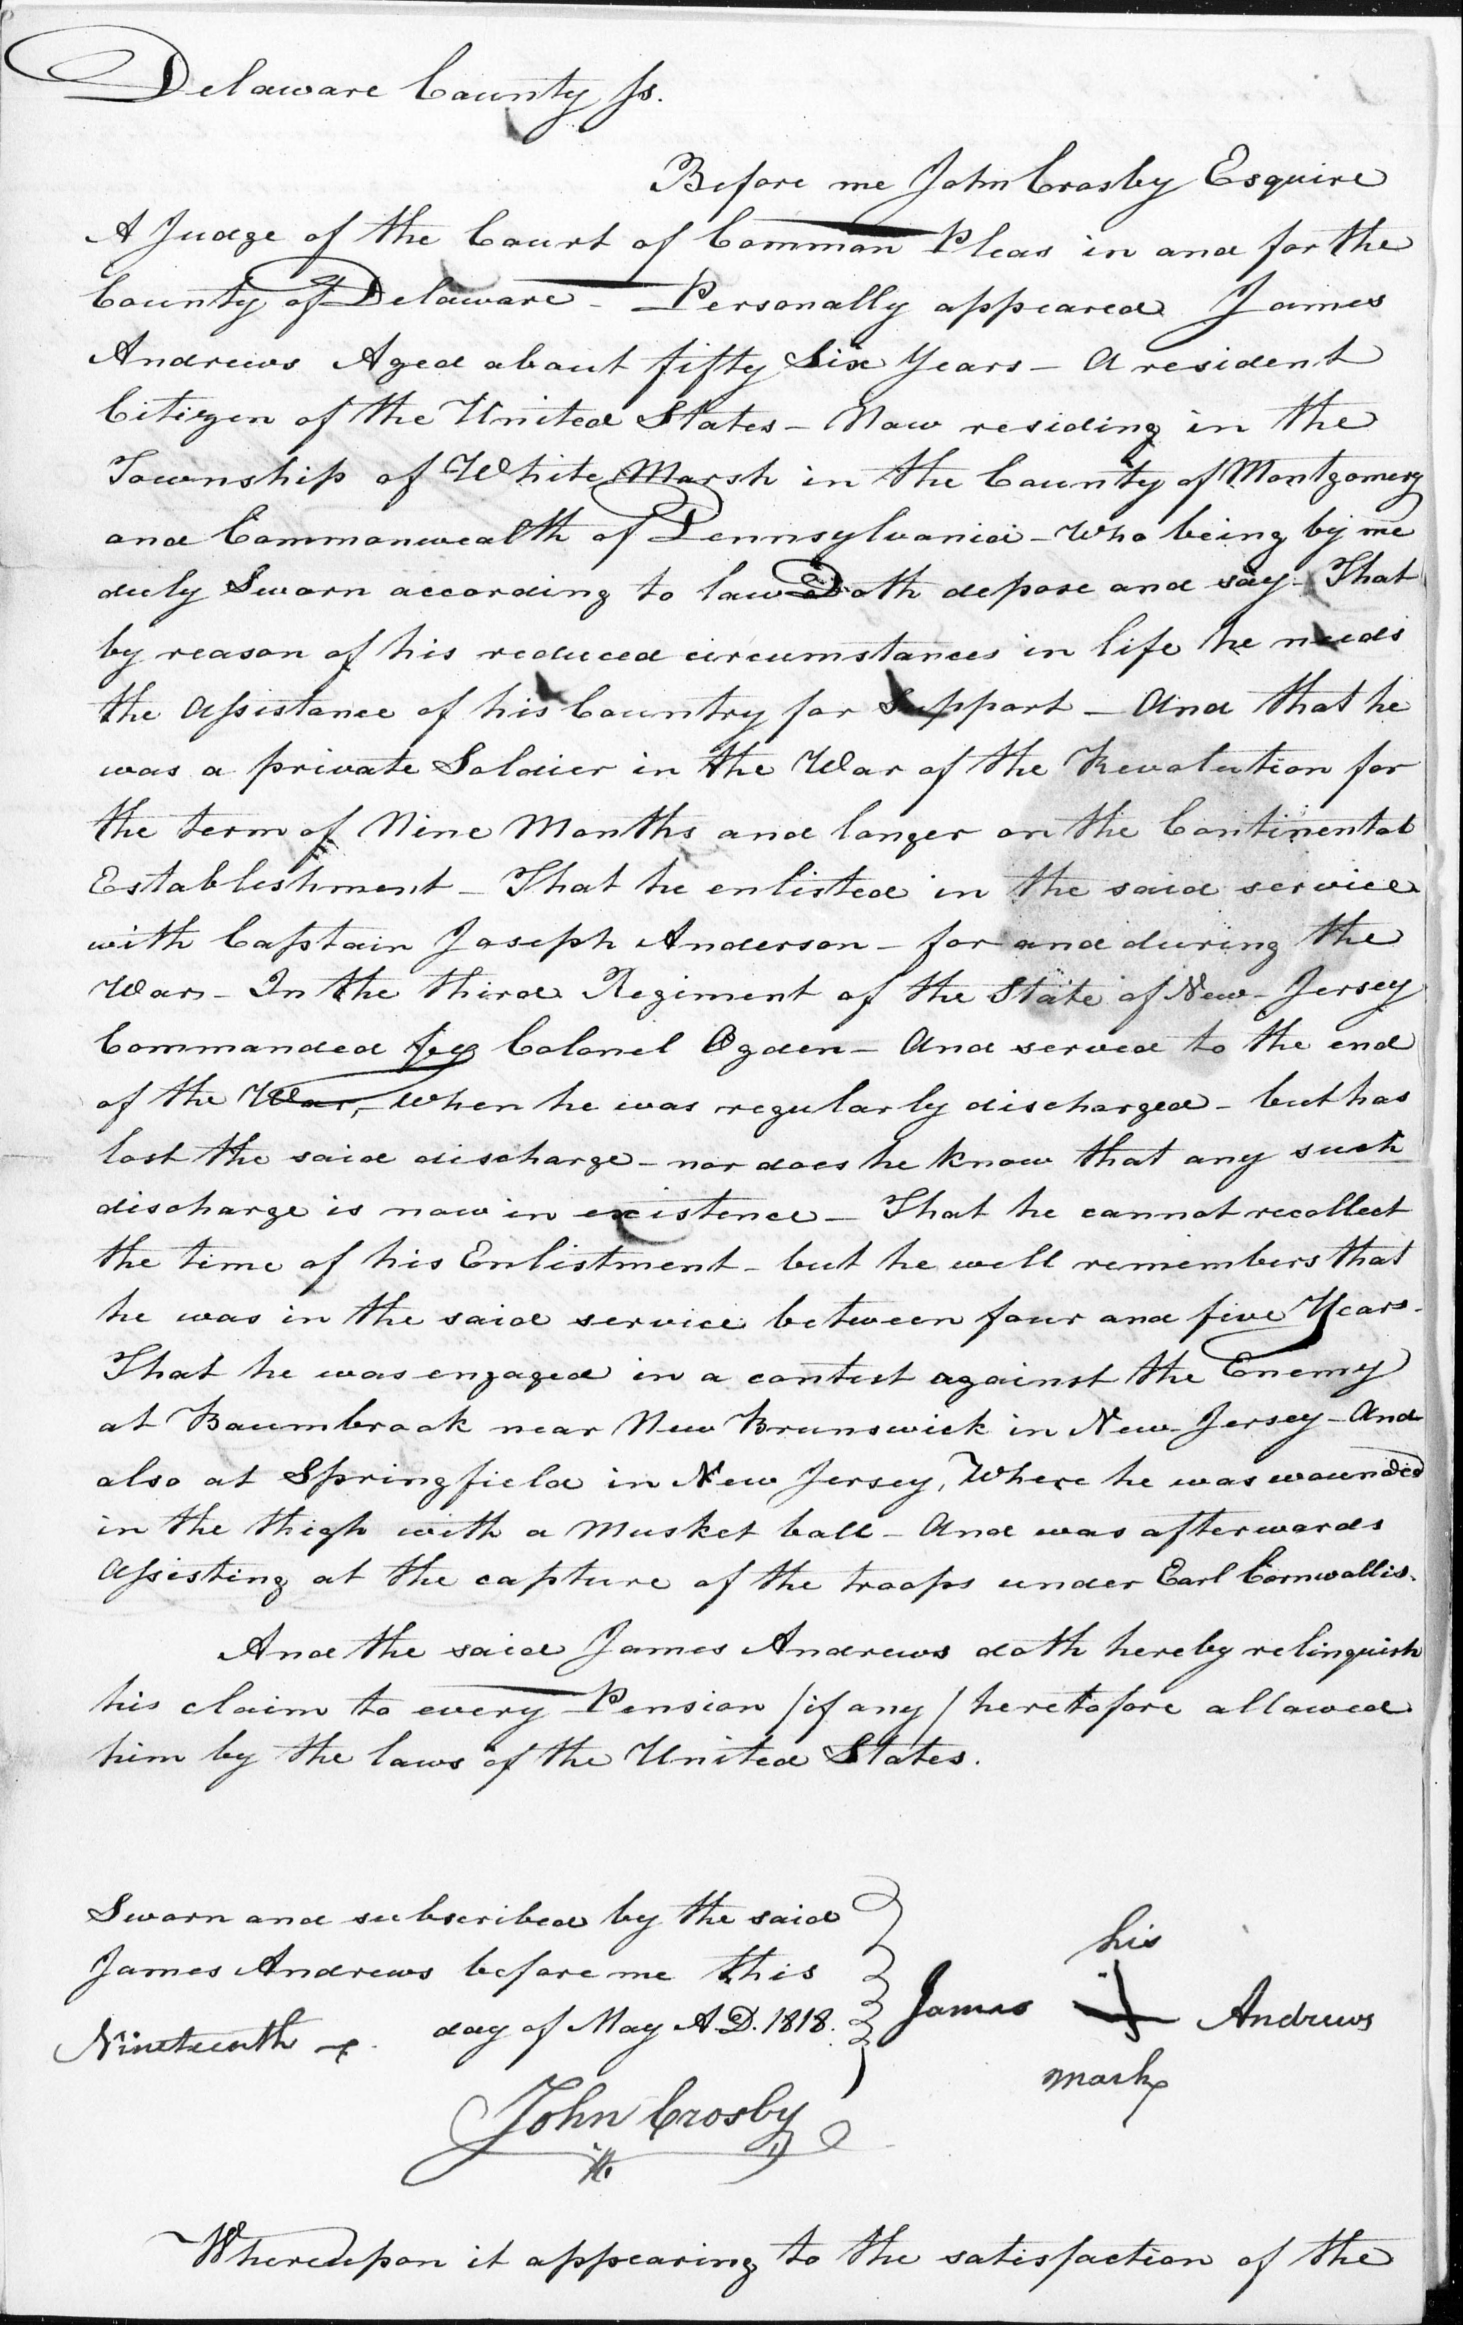Delaware County Js.


Before me John Crosby Esquire a Judge of the Court of Common Pleas in and for the County of Delaware- Personally appeared James Andrews Aged about fifty six years- a resident Citizen of the United States. Now residing in the Township of White Marsh the County of Montgomery ans the Commonwealth of Pennsylvania. Who being by me duly sworn by me according to laws of oath depose and that by reason of his reduced circumstances in life he needs the assistance of his County for support. And that he was a private soldier in the Year of the Revolution for the term of nine months and longer on the Continental 
Establishment that he enlisted in the said service
with Captain Joseph Anderson for and during the Was - in the third Regiment of the State of new Jersey Commanded by Colonel Ogden- And served to the end of the year, when he was regularly but has last the said discharge nor does he know that any such discharge is now in existence- That he cannot recollect the time of his enlistment but he well remembers that he was in said service between four and years that her was engaged in a contest against the Enemy at Baumbrook near New Brunswick in New Jersey. And also at Springfield in New Jersey, where he was wounded in the thigh with a musket ball. And afterwards was assisting at the capture of the troops under Earl Cornwallis.
     And the said James Andrews doth hereby relinquish to his claim to every Pension if any heretofore allowance to him by the laws of the United States.

Sworn and subscribed by the said James Andrews before me this nineteenth day of May A.D. 1818
                                James Andrews (his mark)
John Crosby

Whereupon if appearing to the satisfaction of the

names: James Andrews, James Andrews, James Andrews, Ogden, John Crosby, John Crosby, Earl Cornwallis, Joseph Anderson, James Andrews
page: 4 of 9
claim: survivor's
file: S. 39934, James Andrews, New Jersey